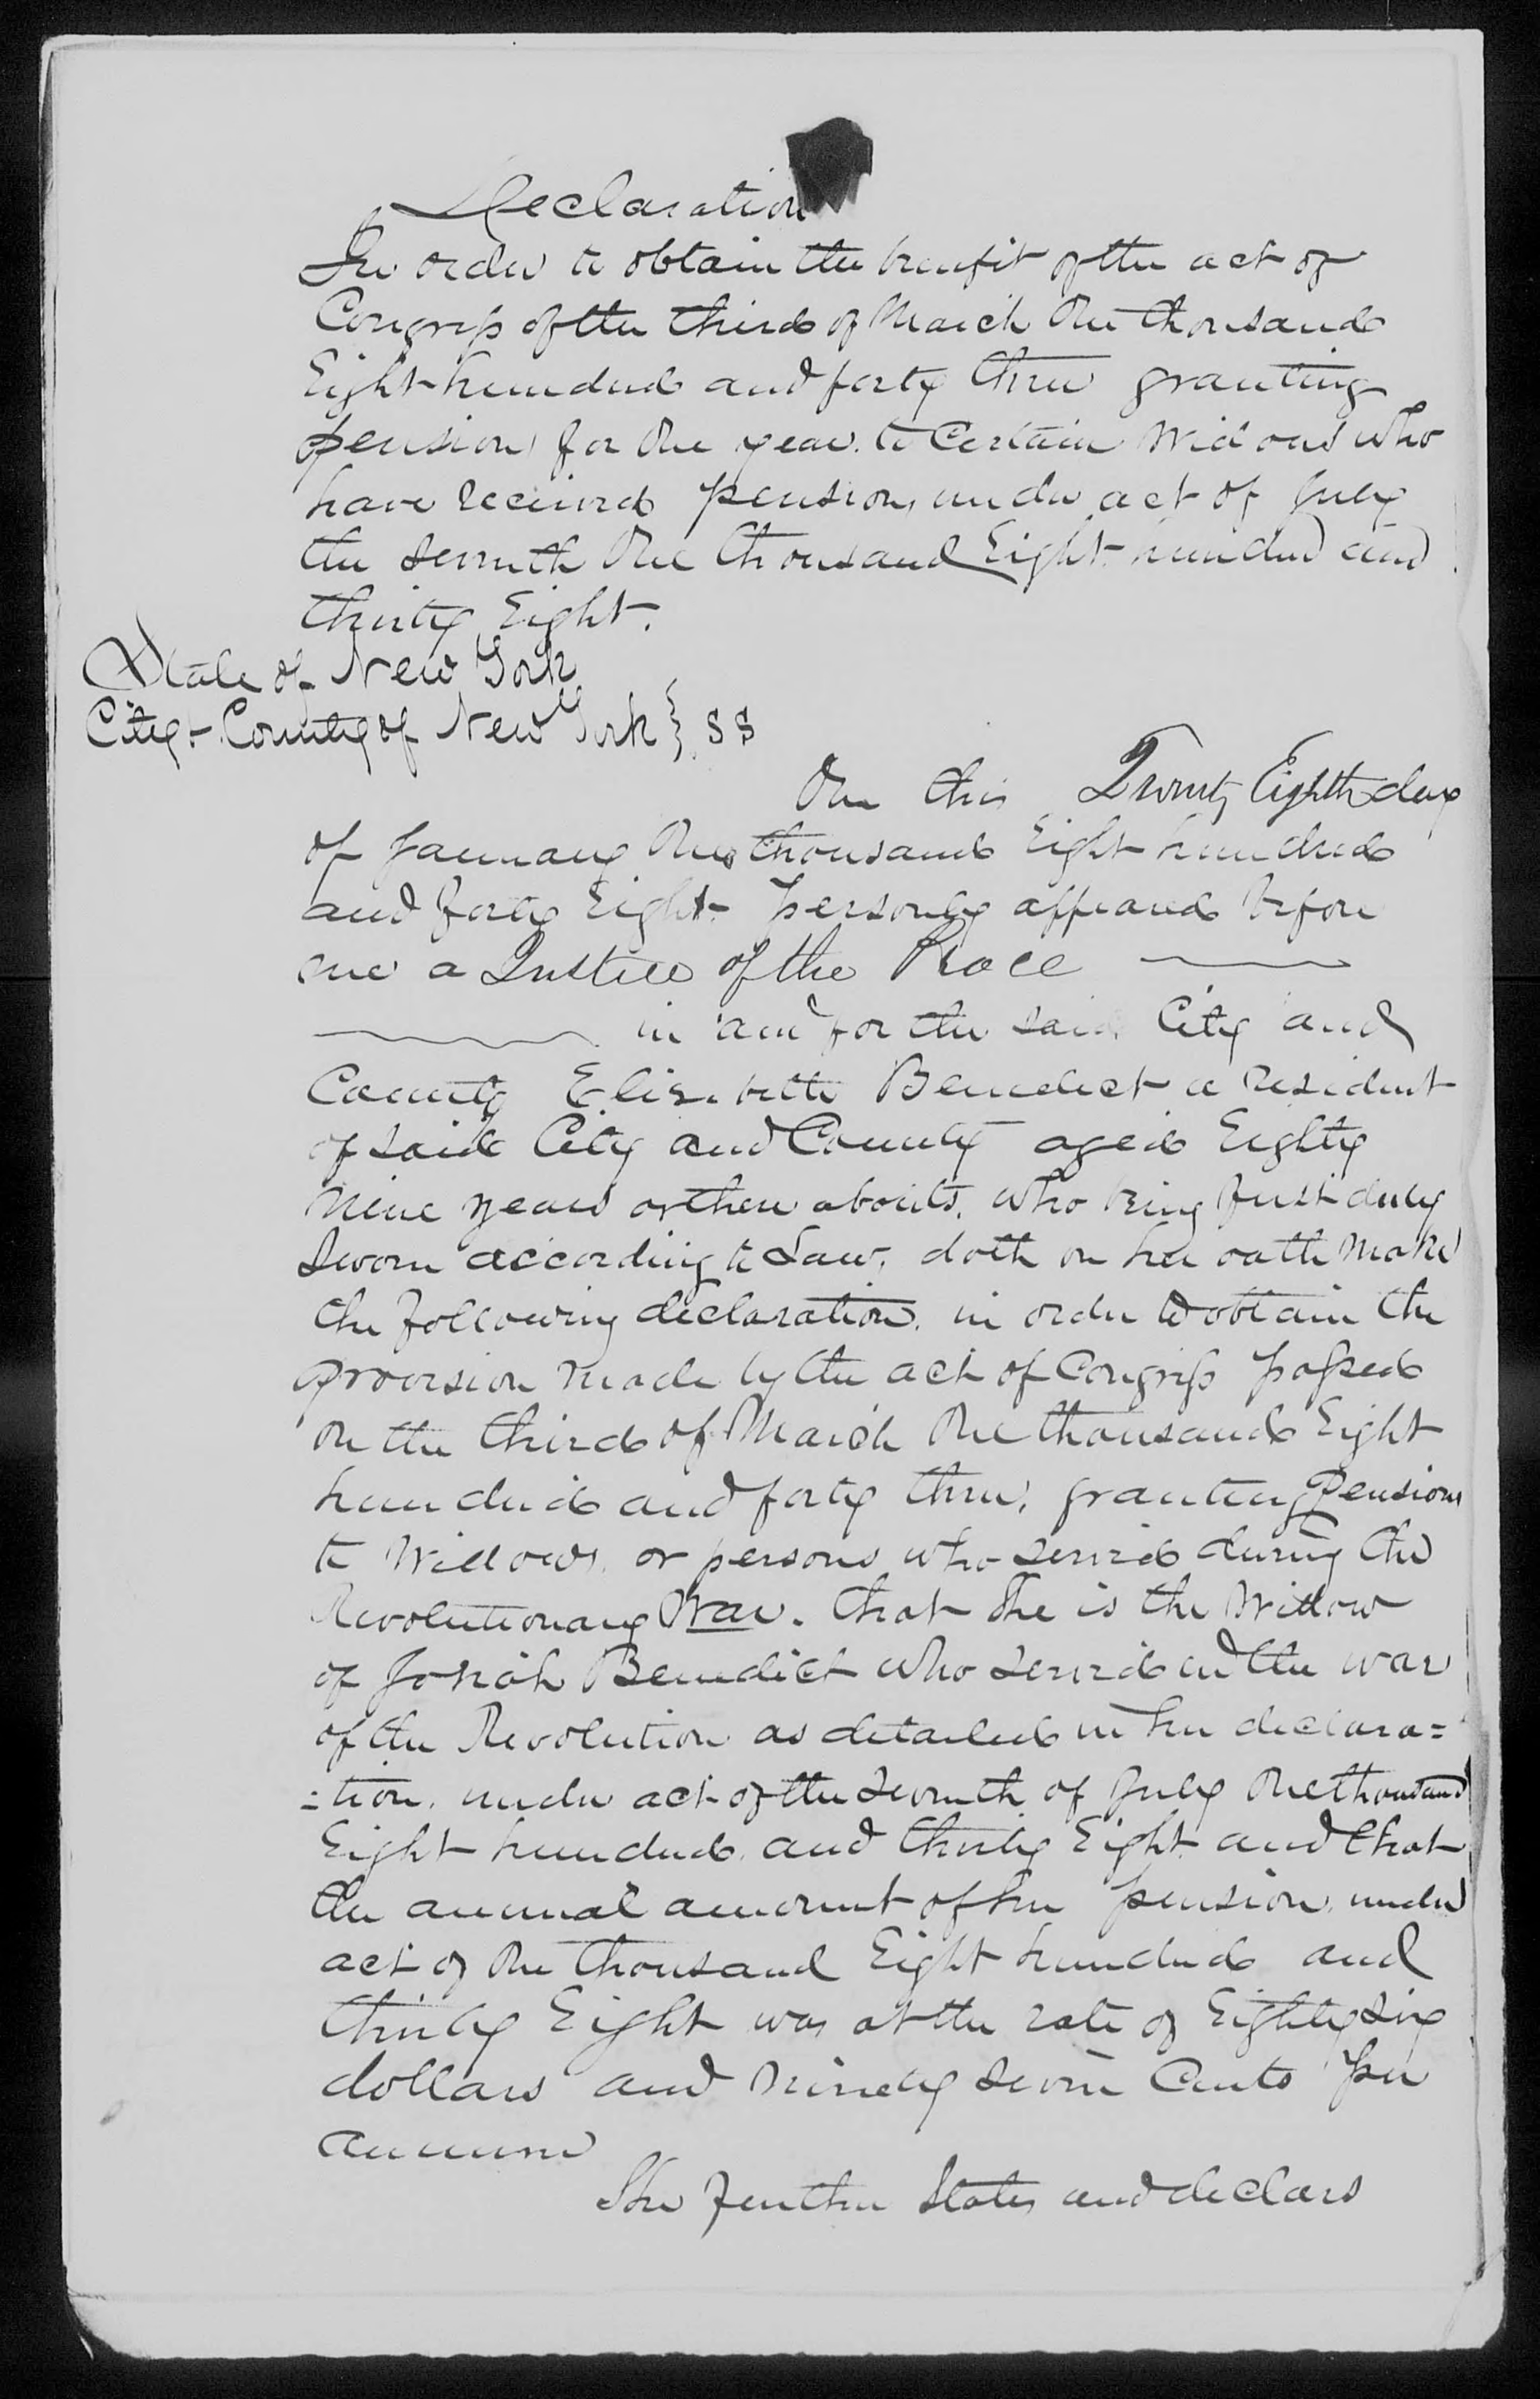Declaration
in order to obtain the benefit of the act of
Congress of the third of March one thousand
Eight hundred and forty three granting
pension for one year to certain Widows who
have received pension under act of July
the seventh one thousand Eight hundred and
thirty Eight.
State of New York
City & County of New York ⎬ SS
                                    On this Twenty Eighth day
of January One thousand Eight hundred
and forty Eight personnaly appeared before
me a Justice of the Peace ----------
-------  in and for the said City and
County Elizabeth Benedict a resident
of said City and County aged Eighty
nine years or there abouts, who being first duly
Sworn according to Law, doth on her oath make
the following declaration in order to obtain the
provision made by the act of Congress passed
on the third of March One thousand Eight
hundred and forty three granting Pensions
to Widows or persons who served during the
Revolutionary War. That she is the Widow
of Jonah Benedict who served in the war
of the Revolution as detailed in her declara-
tion, under act of the Seventh of July one thousand
Eight hundred and thirty Eight and that 
the annual account of her pension under
act of the thousand Eight hundred and
thirty Eight was at the rate of Eighty six
dollars and ninety seven cents per
Annum
                       She further States and declare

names: Jonah Benedict, Elizabeth Benedict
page: 46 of 56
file: [ILLEGIBLE], Jonah Benedict, Conn.